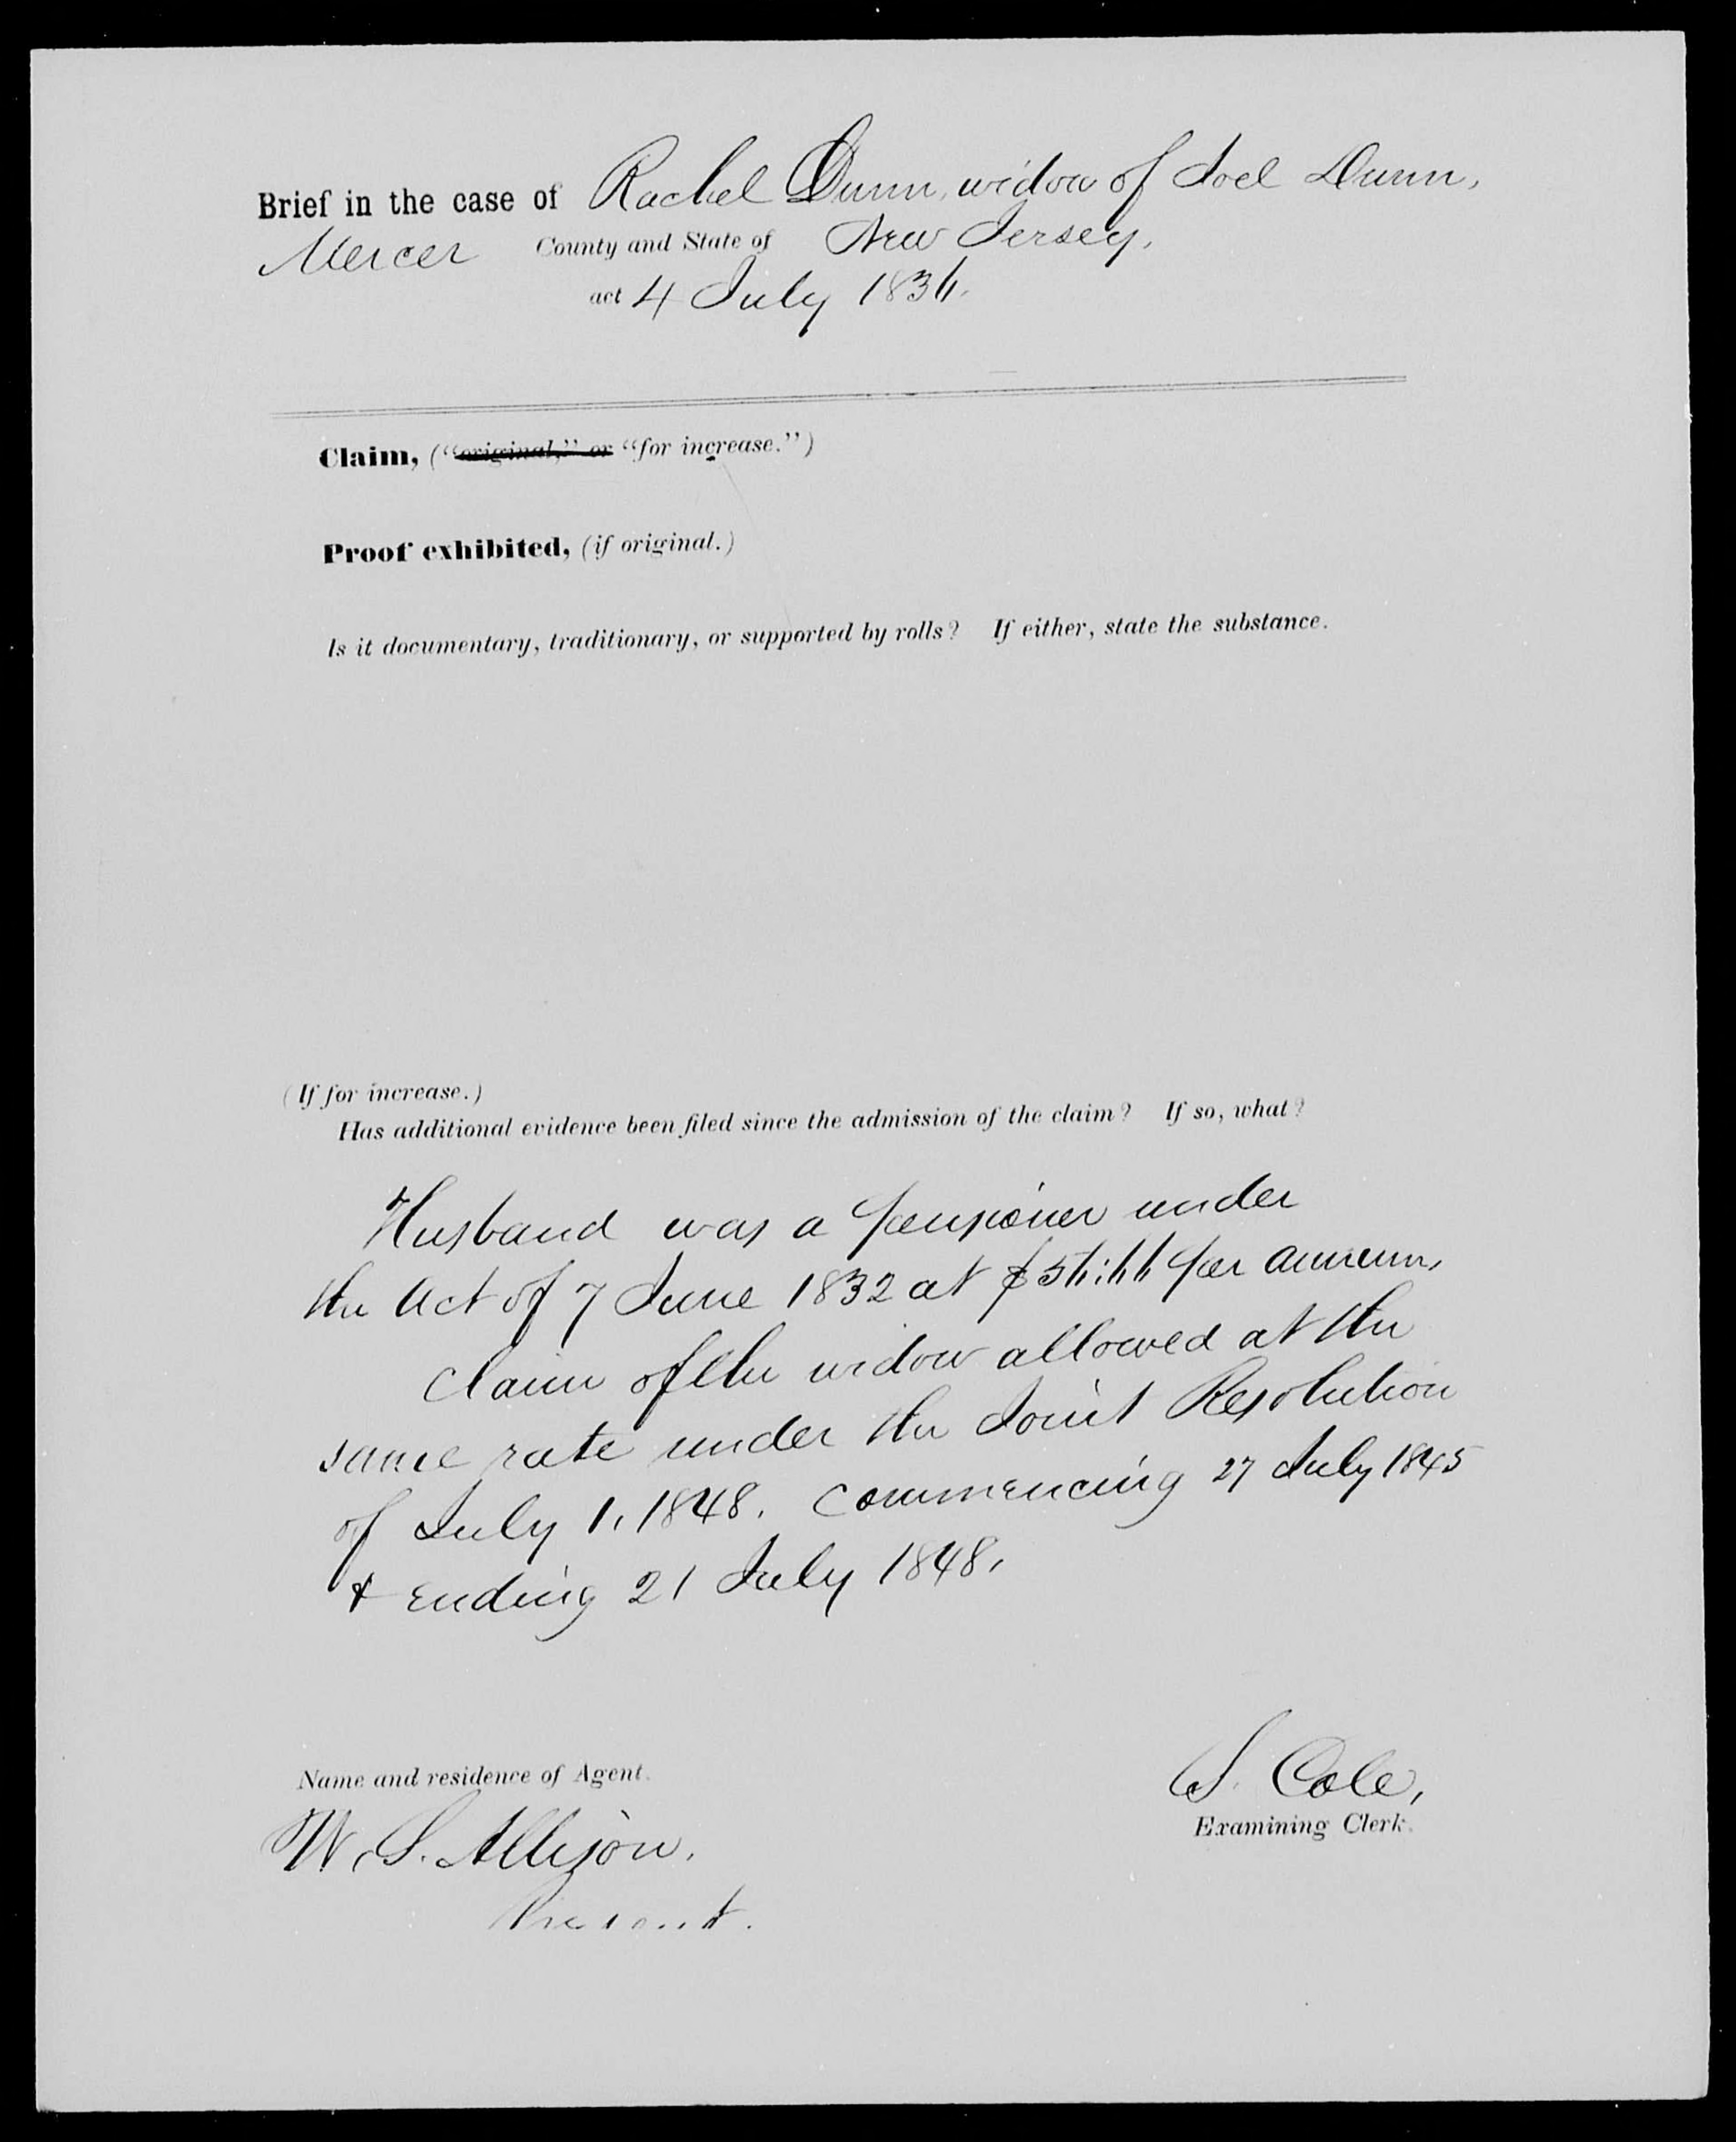Brief in the case
of Rachel Dunn, widow of Joel Dunn,
Mercer County and State of
New Jersey,
act 4 July 1836.

Claim, ("original" or [lined out] "for increase.)
Proof exhibited, (if original.)
Is it documentary, traditionary, or supported by rolls? If either, state the substance.

If for increase.)
Has additional evidence been filed since the admission of the claim?  If so, what?
Husband was a pensioner under the
act of 7 June 1832 at $51 [illegible] per annum.
Claim of the widow allowed at the same
rate under the Joint Resolution
of July 1, 1848, commencing 17 July 1845
& ending 21 July 1848.

Name and residence of Agent
W.S. Allison
Present.
S. Cole,
Examining Clerk.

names: S Cole, Joel Dunn, Rachel Dunn, W S Allison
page: 45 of 52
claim: widow's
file: W. 919, Joel Dunn, New Jersey